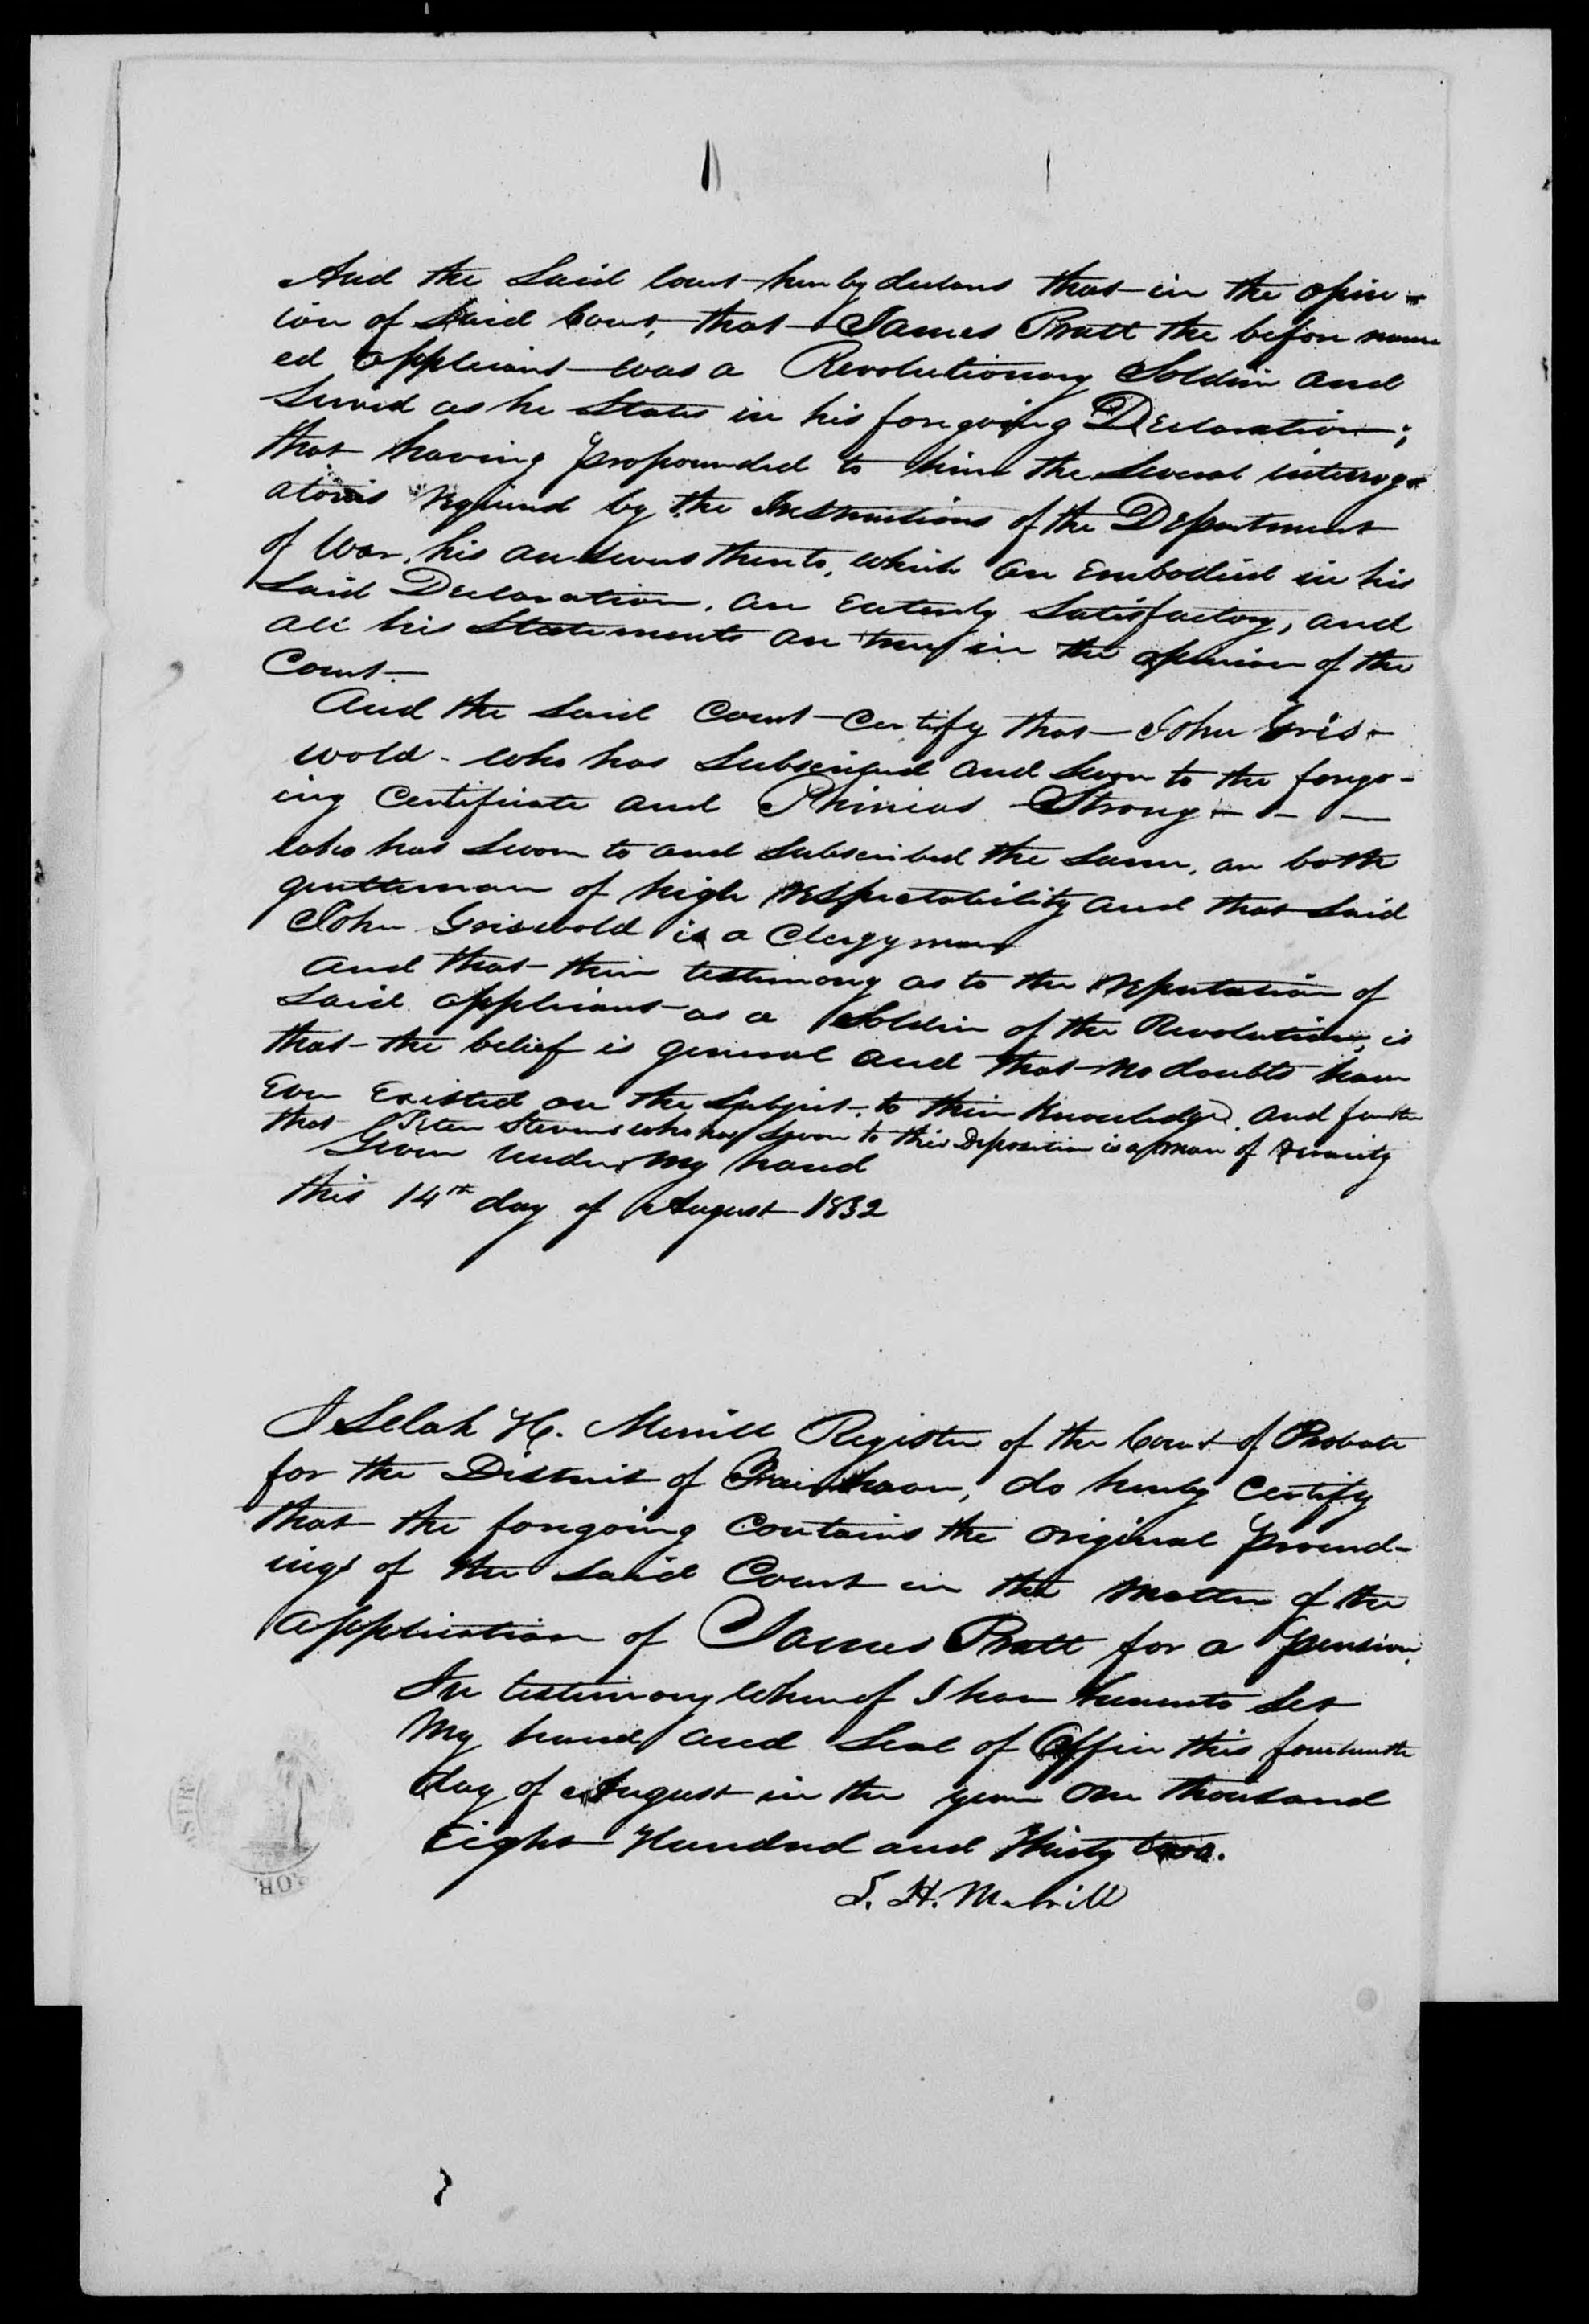And the said Court hereby declares that in the opinion of
said Court that James Pratt the before named
applicant was a Revolutionary Soldier and
served as he states in his foregoing Declaration;
that having propounded to him the several interrogatories
 required by the Instructions of the Department
of War, his answers thereto, which are embodied in his
said Declaration, are entirely satisfactory, and
all his statements are true in the opinion of the Court.

And the said Court certify that John Griswold
 who has subscribed and sworn to the foregoing
 certificate and Phineas Strong, who
 has sworn to and subscribed the same, are both
Gentleman of high respectability and that said
John Griswold is a Clergyman. 
And that their testimony as to the reputation of
said applicant as a soldier of the Revolution is
that the belief is general and that no doubts have
ever existed on the subject to their knowledge and further
that Peter Stevens who has sworn to this deposition is a man of veracity.
Given under my hand
this 14th day of August 1832

I  Selah H. Merrill Register of the Court of Probate
for the District of Fairhaven, do hereby certify
that the foregoing contains the original proceedings
 of the said Court in the matter of the
application of James Pratt for a pension.
In testimony whereof I have hereunto set
my hand and seal of Office this fourteenth
day of August in the year one thousand
Eight Hundred and Thirty.
S.H. Merrill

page: 7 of 29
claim: survivor's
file: S. 14,222, for James Pratt, Vermont